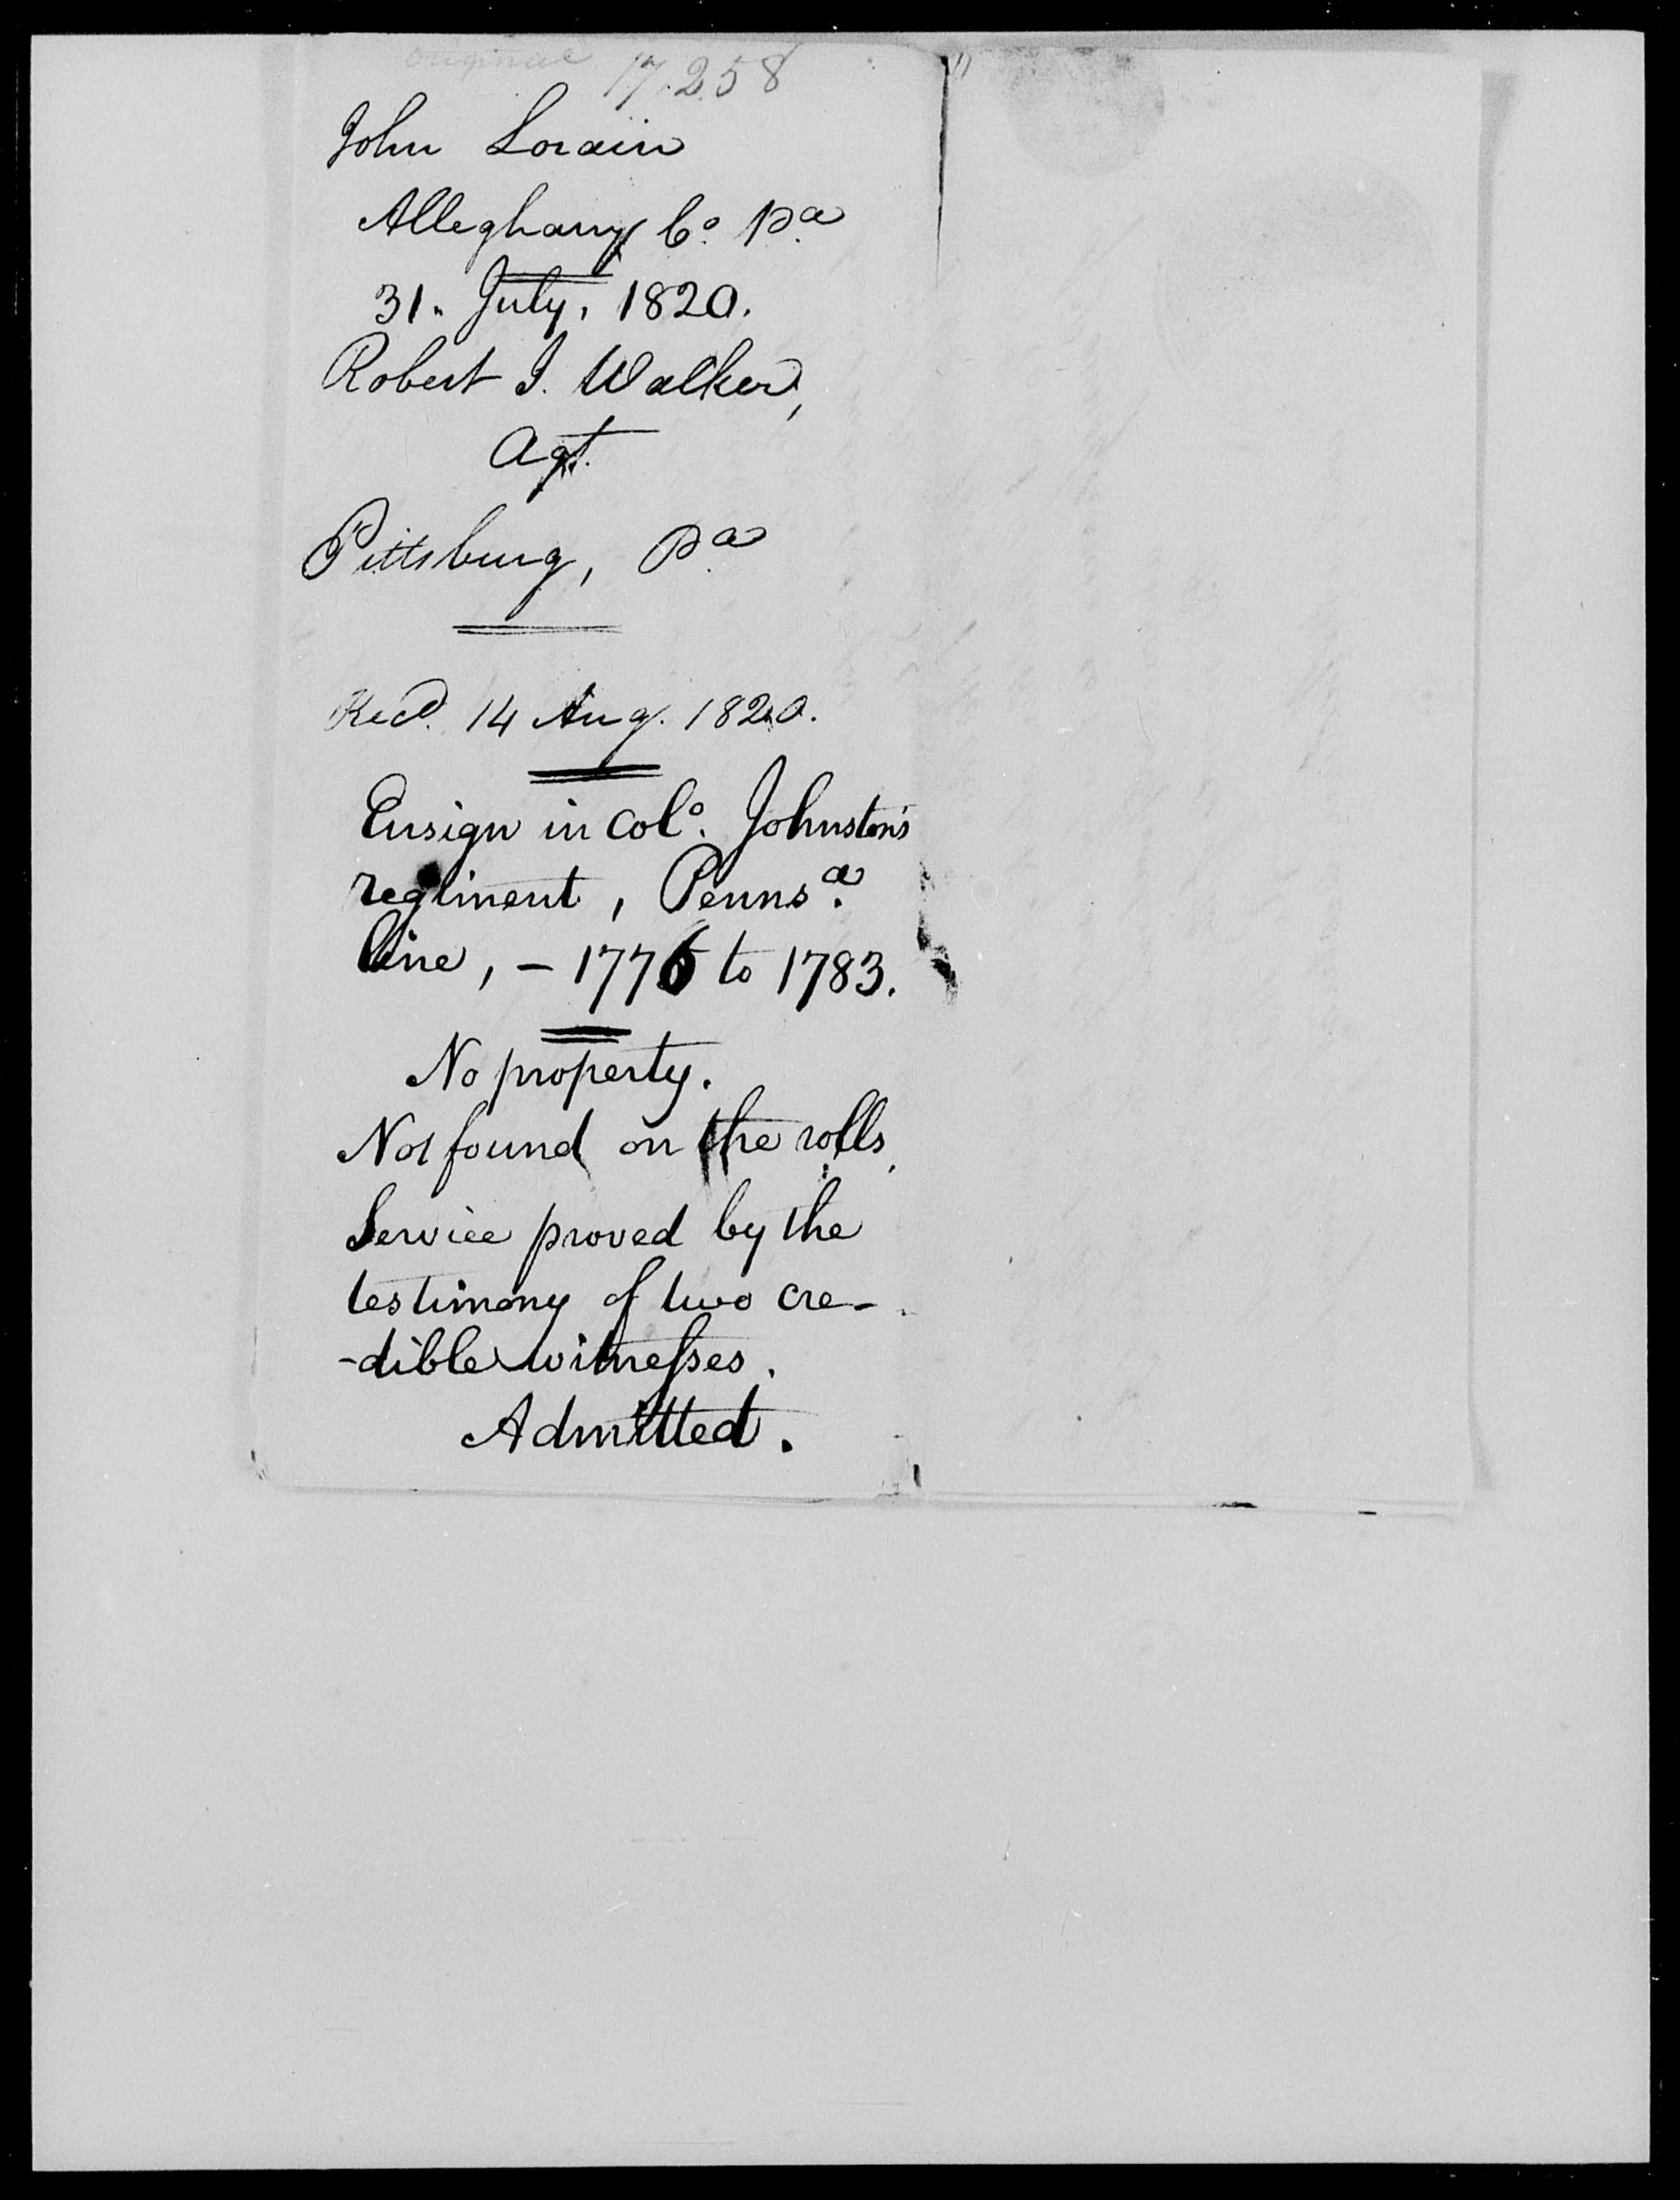original
17.258

John Lorain
Alleghany Co  pa
31 July, 1820.

Robert J. Walker, 
Agt.
Pittsburg, pa

Recd. 14 Aug. 1820

Ensign in Col. Johnston's regiment, Pennsa. line, - 1776 to 1783.

No property.
Not found on the rolls.
Service proved by the testimony of two credible witnesses.

Admitted.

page: 6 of 21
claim: survivor's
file: S. 40,098, for John Lorain, Pennsylvania